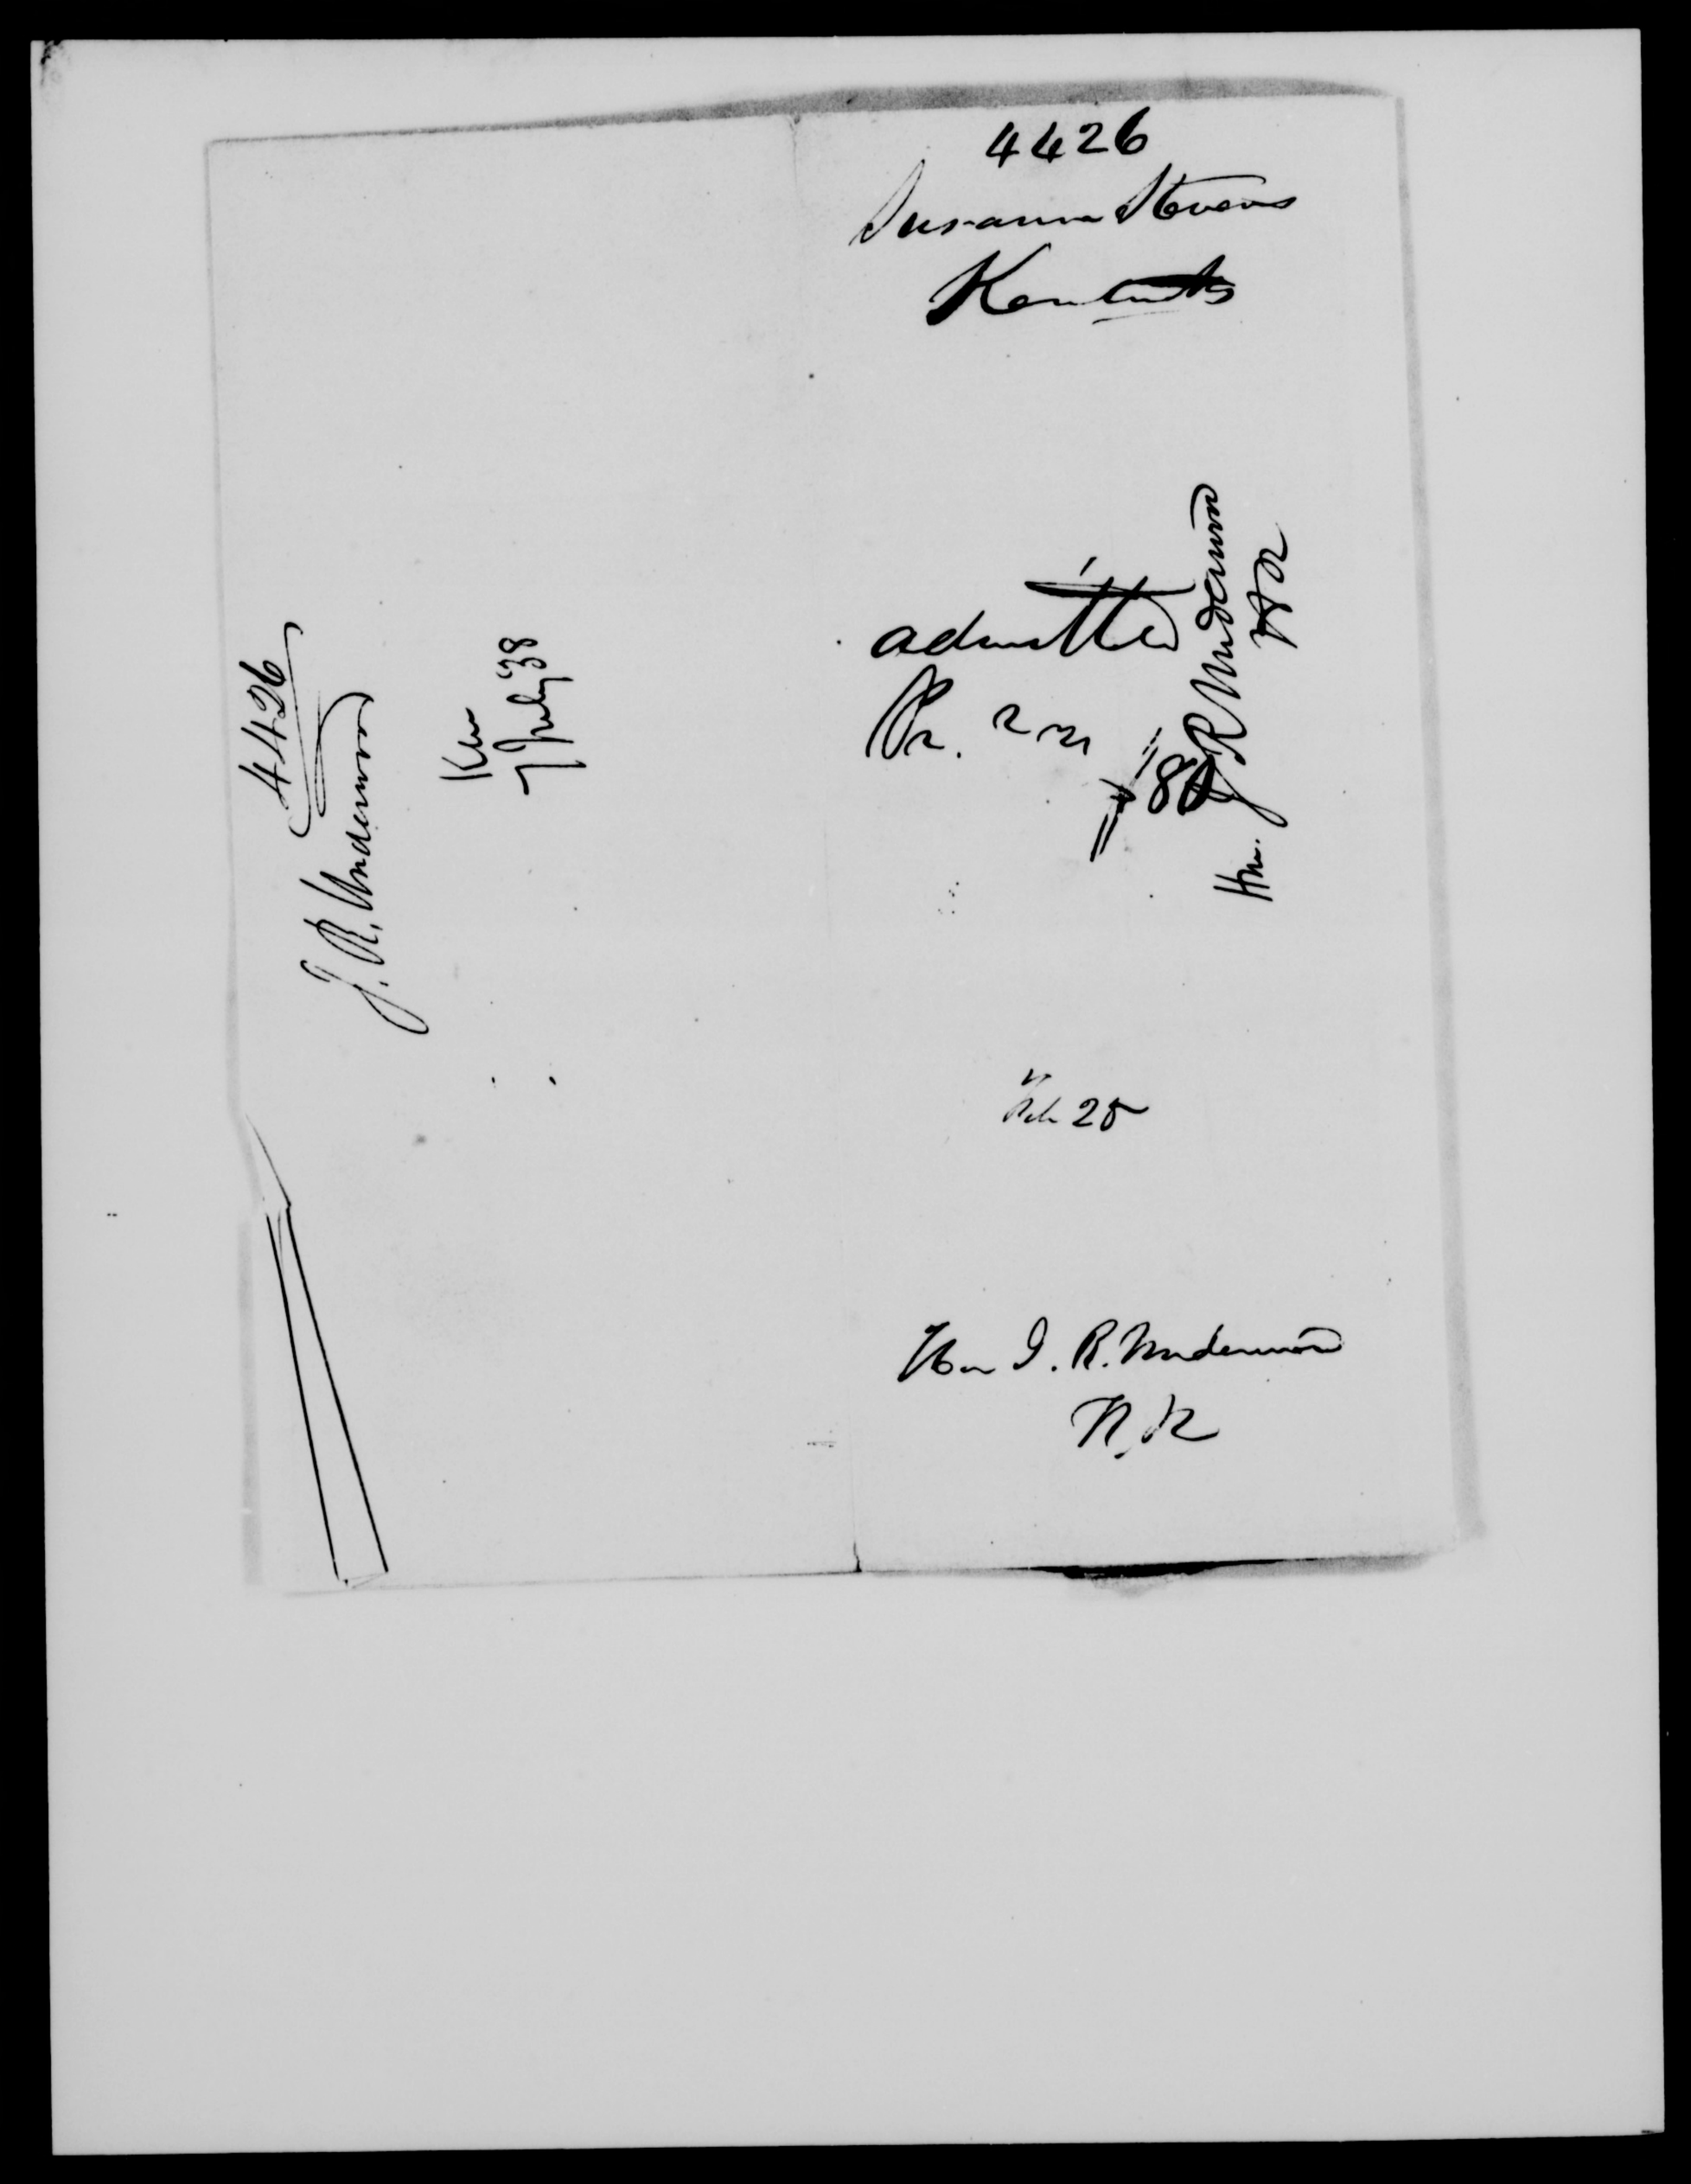4426
Susanna Stevens
Kentucky

admitted
[illegible]
80

Feb 28

Hon J R Underwood
H. R

[writing facing another way]
4426
J. R Underwood
Ken
7 July '38

Hon JR Underwood
HR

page: 22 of 99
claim: widow's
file: W 8766, for James Stevens, Virginia